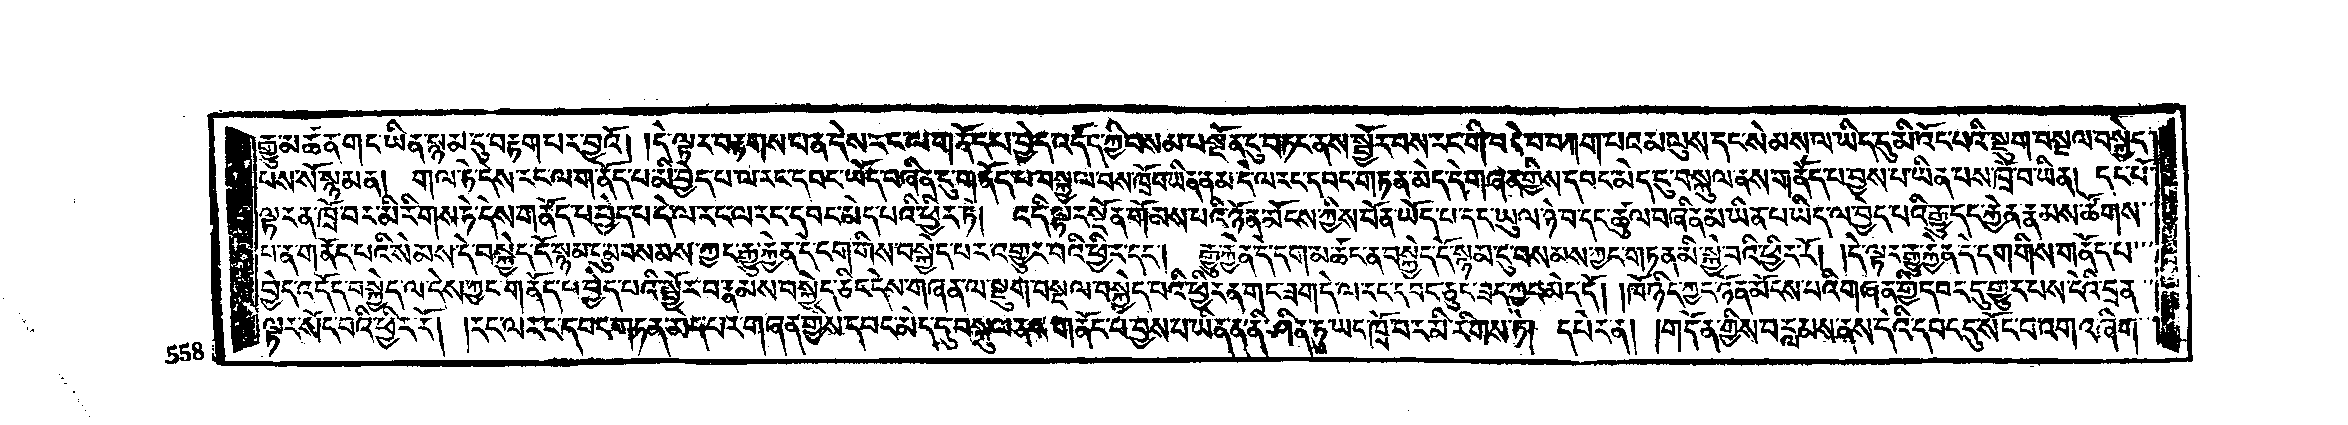རྒྱུ་མཚན་གང་ཡིན་སྙམ་དུ་བརྟག་པར་བྱའོ། །དེ་ལྟར་བརྟགས་པ་ན་དེས་རང་ལ་གནོད་པ་བྱེད་འདོད་ཀྱི་བསམ་པ་སྔོན་དུ་བཏང་ནས་སྦྱོར་བས་རང་གི་བདེ་བ་བཀག་པའམ་ལུས་དང་སེམས་ལ་ཡིད་དུ་མི་འོང་བའི་སྡུག་བསྔལ་བསྐྱེད་
པས་སོ་སྙམ་ན། གལ་ཏེ་དེས་རང་ལ་གནོད་པ་མི་བྱེད་པ་ལ་རང་དབང་ཡོད་བཞིན་དུ་གནོད་པ་བསྐྱལ་བས་ཁྲོ་བ་ཡིན་ནམ་དེ་ལ་རང་དབང་གཏན་མེད་དེ་གཞན་གྱིས་དབང་མེད་དུ་བསྐུལ་ནས་གནོད་པ་བྱས་པ་ཡིན་པས་ཁྲོ་བ་ཡིན། དང་པོ་
ལྟར་ན་ཁྲོ་བར་མི་རིགས་ཏེ་དེས་གནོད་པ་བྱེད་པ་དེ་ལ་རང་ལ་རང་དབང་མེད་པའི་ཕྱིར་ཏེ། འདི་ལྟར་སྔོན་གོམས་པའི་ཉོན་མོངས་ཀྱི་ས་བོན་ཡོད་པ་དང་ཡུལ་ཉེ་བ་དང་ཚུལ་བཞིན་མ་ཡིན་པ་ཡིད་ལ་བྱེད་པའི་རྒྱུ་དང་རྐྱེན་རྣམས་ཚོགས་
པ་ན་གནོད་པའི་སེམས་དེ་བསྐྱེད་དོ་སྙམ་དུ་མ་བསམས་ཀྱང་རྒྱུ་རྐྱེན་དེ་དག་གིས་བསྐྱེད་པར་འགྱུར་བའི་ཕྱིར་དང་། རྒྱུ་རྐྱེན་དེ་དག་མ་ཚང་ན་བསྐྱེད་དོ་སྙམ་དུ་བསམས་ཀྱང་གཏན་མི་སྐྱེ་བའི་ཕྱིར་རོ། །དེ་ལྟར་རྒྱུ་རྐྱེན་དེ་དག་གིས་གནོད་པ་
བྱེད་འདོད་བསྐྱེད་ལ་དེས་ཀྱང་གནོད་པ་བྱེད་པའི་སྦྱོར་བ་རྣམས་བསྐྱེད་ཅིང་དེས་གཞན་ལ་སྡུག་བསྔལ་བསྐྱེད་པའི་ཕྱིར་ན་གང་ཟག་དེ་ལ་རང་དབང་ཅུང་ཟད་ཀྱང་མེད་དོ། །ཁོ་ཉིད་ཀྱང་ཉོན་མོངས་པའི་གཞན་གྱི་དབང་དུ་གྱུར་པས་དེའི་བྲན་
ལྟར་སོང་བའི་ཕྱིར་རོ། །རང་ལ་རང་དབང་གཏན་མེད་པར་གཞན་གྱིས་དབང་མེད་དུ་བསྐུལ་ནས་གནོད་པ་བྱས་པ་ཡིན་ན་ནི་ཤིན་ཏུ་ཡང་ཁྲོ་བར་མི་རིགས་ཏེ། དཔེར་ན། གདོན་གྱིས་བརླམས་ནས་དེའི་དབང་དུ་སོང་བ་འགའ་ཞིག་